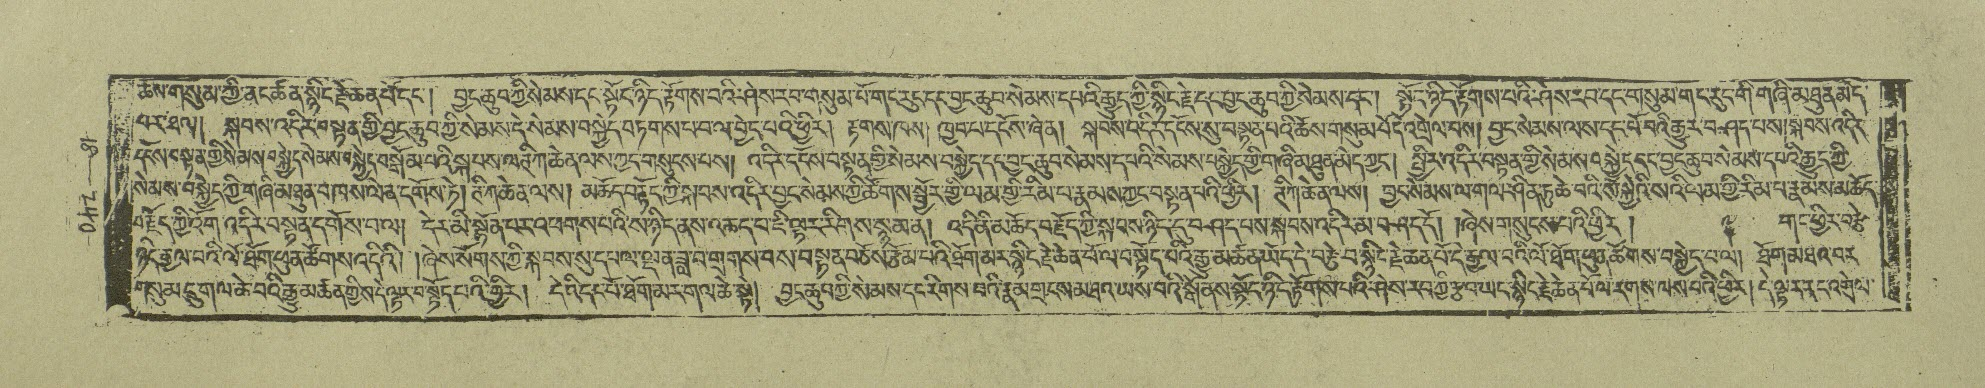ཆོས་གསུམ་གྱི་ནང་ཚན་སྙིང་རྗེ་ཆེན་པོ་དང་། བྱང་ཆུབ་ཀྱི་སེམས་དང་སྟོང་ཉིད་རྟོགས་པའི་ཤེས་རབ་གསུམ་པོ་གང་རུང་དང་བྱང་ཆུབ་སེམས་དཔའི་རྒྱུད་ཀྱི་སྙིང་རྗེ་དང་བྱང་ཆུབ་ཀྱི་སེམས་དང་། སྟོང་ཉིད་རྟོགས་པའི་ཤེས་རབ་དང་གསུམ་གང་རུང་གི་གཞི་མཐུན་མེད་
པར་ཐལ། སྐབས་འདིར་བསྟན་གྱི་བྱང་ཆུབ་ཀྱི་སེམས་དེ་སེམས་བསྐྱེད་བཏགས་པ་བ་ལ་བྱེད་པའི་ཕྱིར། རྟགས་ཁས། ཁྱབ་པ་དངོས་ཞེ་ན། སྐབས་འདིར་དངོས་སུ་བསྟན་པའི་ཆོས་གསུམ་པོ་དེ་འགྲེལ་པས། བྱང་སེམས་ལས་དང་པོ་བའི་རྒྱུར་བཤད་པས། སྐབས་འདིར་
དངོས་བསྟན་གྱི་སེམས་བསྐྱེད་སེམས་བསྐྱེད་བསྒོམ་པའི་སྐབས་ལ་ཊི་ཀ་ཆེན་ལས་ཀྱང་གསུངས་པས། འདིར་དངོས་བསྟན་གྱི་སེམས་བསྐྱེད་དང་བྱང་ཆུབ་སེམས་དཔའི་སེམས་བསྐྱེད་གྱི་གཞི་མཐུན་མེད་ཀྱང་། སྤྱིར་འདིར་བསྟན་གྱི་སེམས་བསྐྱེད་དང་བྱང་ཆུབ་སེམས་དཔའི་རྒྱུད་ཀྱི་
སེམས་བསྐྱེད་ཀྱི་གཞི་མཐུན་པ་ཁས་ལེན་དགོས་ཏེ། ཊི་ཀ་ཆེན་ལས། མཆོད་བརྗོད་ཀྱི་སྐབས་འདིར་བྱང་སེམས་ཀྱི་ཚོགས་སྦྱོར་གྱི་ལམ་གྱི་རིམ་པ་རྣམས་ཀྱང་བསྟན་པའི་ཕྱིར། ཊི་ཀ་ཆེན་ལས། བྱང་སེམས་ལ་གལ་ཤིན་ཏུ་ཆེ་བའི་སོ་སྐྱེའི་སའི་ལམ་གྱི་རིམ་པ་རྣམས་མཆོད་
བརྗོད་ཀྱི་འོག་འདིར་བསྟན་དགོས་པ་ལ། དེར་མི་སྟོན་པར་འཕགས་པའི་ས་ཉིད་ནས་འཆད་པ་ཇི་ལྟར་རིགས་སྙམ་ན། འདི་ནི་མཆོད་བརྗོད་ཀྱི་སྐབས་ཉིད་དུ་བཤད་པས་སྐབས་འདིར་མ་བཤད་དོ། །ཞེས་གསུངས་པའི་ཕྱིར།། ༈ གང་ཕྱིར་བརྩེ་
ཉིད་རྒྱལ་བའི་ལོ་ཐོག་ཕུན་ཚོགས་འདིའི། །ཞེས་སོགས་ཀྱི་སྐབས་སུ་དཔལ་ལྡན་ཟླ་བ་གྲགས་པས་བསྟན་བཅོས་རྩོམ་པའི་ཐོག་མར་སྙིང་རྗེ་ཆེན་པོ་ལ་བསྟོད་པའི་རྒྱུ་མཚན་ཡོད་དེ་བརྩེ་བ་སྙིང་རྗེ་ཆེན་པོ་དེ་རྒྱལ་བའི་ལོ་ཐོག་ཕུན་ཚོགས་བསྐྱེད་པ་ལ། ཐོག་མཐའ་བར་
གསུམ་དུ་གལ་ཆེ་བའི་རྒྱུ་མཚན་གྱིས་དེ་ལྟར་བསྟོད་པའི་ཕྱིར། དེའི་དང་པོ་ཐོག་མར་གལ་ཆེ་སྟེ། བྱང་ཆུབ་ཀྱི་སེམས་དང་རིགས་པའི་རྣམ་གྲངས་མཐའ་ཡས་པའི་སྒོ་ནས་སྟོང་ཉིད་རྟོགས་པའི་ཤེས་རབ་ཀྱི་རྩ་བ་ཡང་སྙིང་རྗེ་ཆེན་པོ་ལ་རགས་ལས་པའི་ཕྱིར། དེ་ལྟར་རང་འགྲེལ་